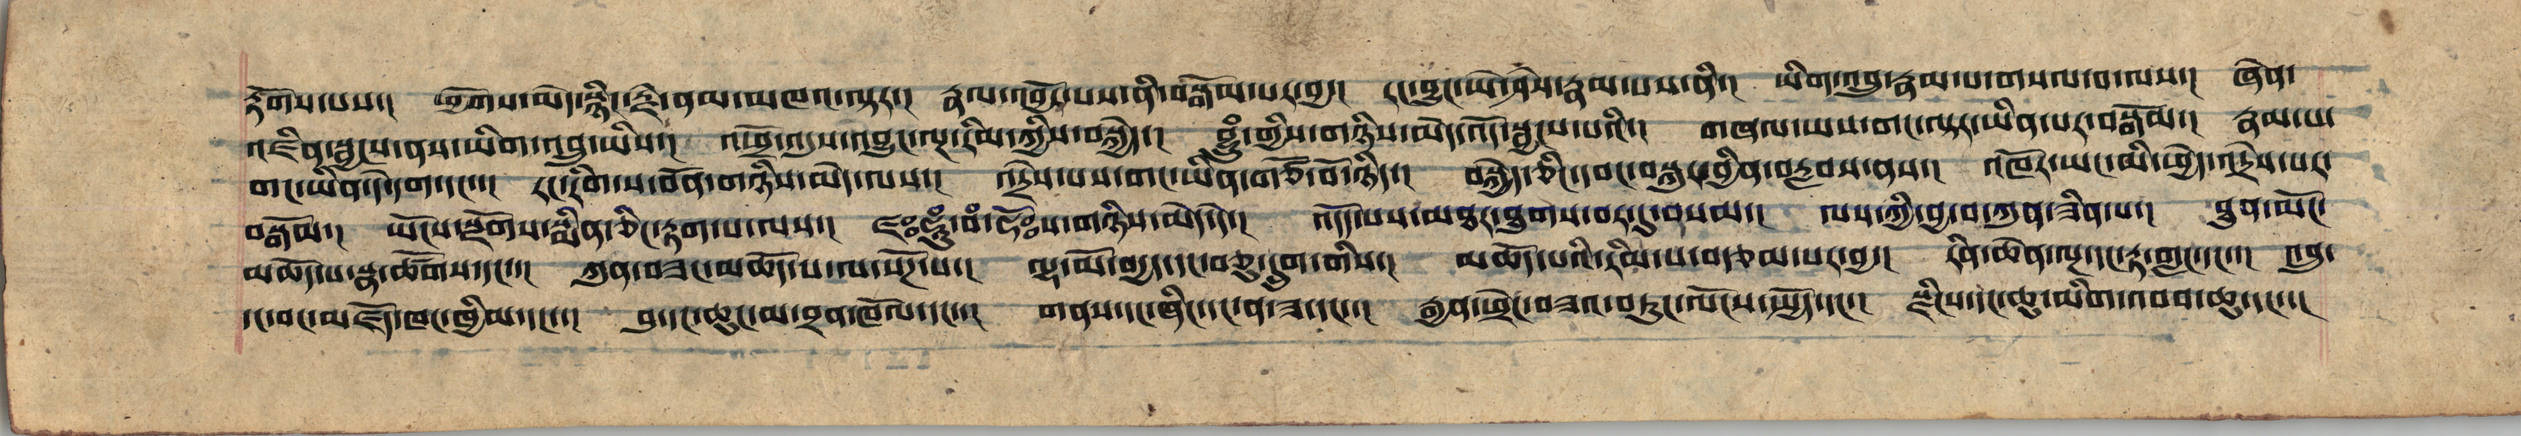རྟོགས་པས་། ཕྱོགས་མེད་སྙིང་རྗེ་ནམ་མཁའ་ལྟར་། རྣལ་འབྱོར་པས་ནི་བསྒོམ་པར་བྱ་། རང་བྱུང་ཡེ་ཤེས་རྣམ་པས་ནི་། ཡིག་འབྲུ་རྣམ་པ་གསལ་བ་ལས་། ཞེན་
འཛིན་སྦྱངས་ནས་ཡིག་འབྲུ་ཡིས་། འཕྲོ་འདུས་འབྱུང་ལྔ་རིམ་ཀྱིས་བསྐྱེད་། བྷྲུཾ་གྱིས་གཉིས་མེད་འོད་སྦྱངས་པའི་། གཞལ་ཡས་གང་ལྟར་ཡིན་པར་བསྒོམ་། རྣམ་པ་
གང་ཡིན་དེ་དག་དང་་། རང་རིག་ས་བོན་གཉིས་མེད་ལས་། འདྲེས་པས་གང་ཡིན་གཙོ་བོ་ཉིད་། བསྐྱེད་ཅིང་དབང་བསྐུར་བྱིན་བརླབས་ནས་། འཁོར་ཡང་མི་ཕྱེད་འདྲེས་པར་
བསྒོམ་། ཡོངས་སྫོགས་སྨིན་ཅིང་རྟག་པ་ལས་། ཛཿཧཱུཾ་བཾ་ཧོཿས་གཉིས་མེད་དེ་། འདོད་པས་མཐར་ཐུགས་བར་དུ་བསམ་། ལས་ཀྱི་བྱ་བ་ཀུན་ཟིན་པ་། ཐུན་མོང་
མཆོད་པ་སྣ་ཚོགས་དང་་། ཀུན་བཟང་མཆོད་པ་ལ་སོཌ་པ་། ལྷ་མོ་བདྱད་དང་བཅུ་དྲུག་གིས་། མཆོད་པའི་རིམ་པ་བརྩམ་པར་བྱ་། རིན་ཆེན་ལྔ་དང་རྟ་གླང་དང་་། འབྲུ་
དང་བང་མཛོད་ཁང་ཁྱིམ་དང་་། བུ་དང་ཆུང་མ་བྲན་ཁོལ་དང་་། གནས་དང་ཞིང་དང་ན་ཟ་དང་་། རྒྱན་ཕྲེང་བཟའ་བཏུང་ལོངས་སྤྱོད་དང་། སྫིངས་དང་ཆུ་མིག་འབབ་ཆུ་དང་་།